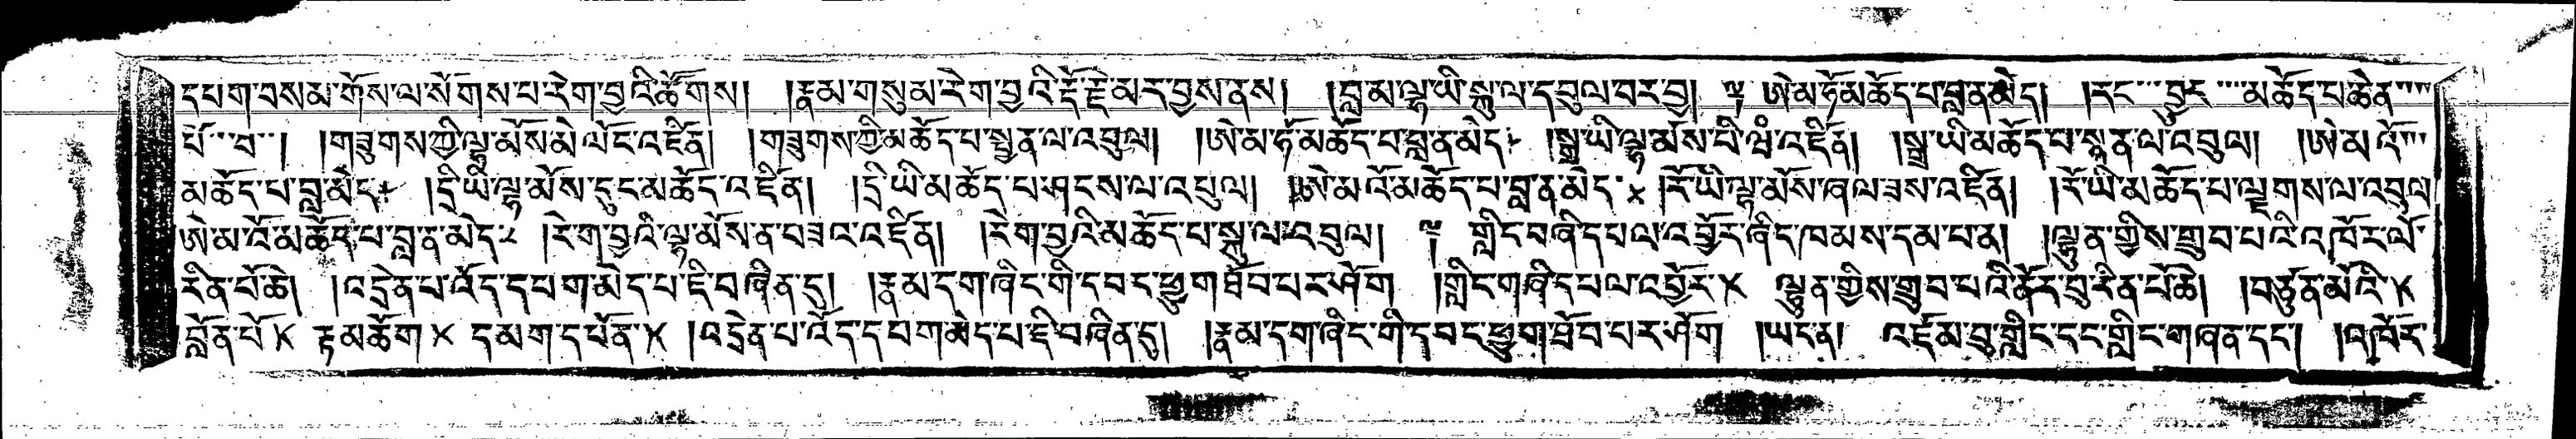དཔག་བསམ་གོས་ལ་སོགས་པ་རེག་བྱའི་ཚོགས། །རྣམ་གསུམ་རེག་བྱའི་རྡོ་རྗེ་མར་བྱས་ནས། །བླ་མ་ལྷ་ཡི་སྐུ་ལ་དབུལ་བར་བྱ། ༈ ཨེ་མ་ཧོ་མཆོད་པ་བླ་ན་མེད། །རང་བྱུང་མཆོད་པ་ཆེན་
པོ་བ། །གཟུགས་ཀྱི་ལྷ་མོས་མེ་ལོང་འཛིན། །གཟུགས་ཀྱི་མཆོད་པ་སྤྱན་ལ་འབུལ། །ཨེ་མ་ཧོ་མཆོད་པ་བླ་ན་མེད། །སྒྲ་ཡི་ལྷ་མོས་པི་ཝཾ་འཛིན། །སྒྲ་ཡི་མཆོད་པ་སྙན་ལ་འབུལ། །ཨེ་མའོ་
མཆོད་པ་བླ་མེད་{྾}་།དྲི་ཡི་ལྷ་མོས་དུང་མཆོད་འཛིན། །དྲི་ཡི་མཆོད་པ་ཤངས་ལ་འབུལ། །ཨེ་མའོ་མཆོད་པ་བླ་ན་མེད་{྾}་།རོ་ཡི་ལྷ་མོས་ཞལ་ཟས་འཛིན། །རོ་ཡི་མཆོད་པ་ལྗགས་ལ་འབུལ་
ཨེ་མ་འོ་མཆོད་པ་བླ་ན་མེད་{྾}་།རེ་ག་བྱའི་ལྷ་མོས་ན་བཟའ་འཛིན། །རེག་བྱའི་མཆོད་པ་སྐུ་ལ་འབུལ། ༈ གླིང་བཞི་དཔལ་འབྱོར་ཞིང་ཁམས་དམ་པ་ན། །ལྷུན་གྱིས་གྲུབ་པའི་འཁོར་ལོ་
རིན་པོ་ཆེ། །འདྲེན་པ་འོད་དཔག་མེད་པ་ཇི་བཞིན་དུ། །རྣམ་དག་ཞིང་གི་དབང་ཕྱུག་ཐོབ་པར་ཤོག །གླིང་གཞི་དཔལ་འབྱོར་{྾}་ལྷུན་གྱིས་གྲུབ་པའི་ནོར་བུ་རིན་པོ་ཆེ། །བཙུན་མོའི་{྾}
བློན་པོ་{྾}་རྟ་མཆོག་{྾}་དམག་དཔོན་{྾}་།འདྲེན་པ་འོད་དཔག་མེད་པ་ཇི་བཞིན་དུ། །རྣམ་དག་ཞིང་གི་དབང་ཕྱུག་ཐོབ་པར་ཤོག །ཡང་ན། འཛམ་བུ་གླིང་དང་གླིང་གཞན་དང་། །འཁོར་